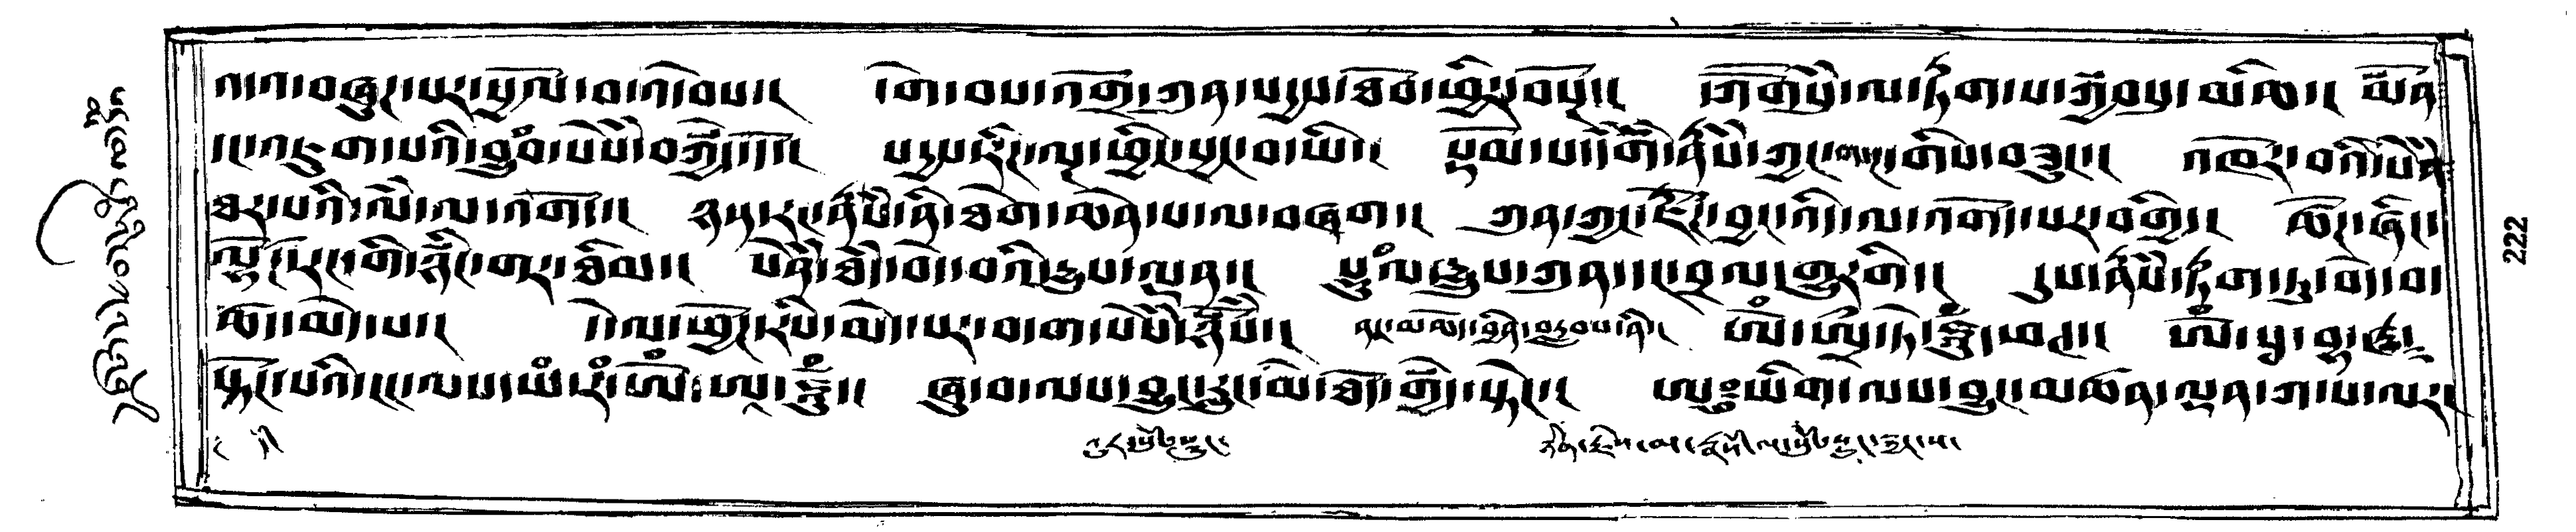འདའ་བཞུགས་པར་གསོལ་བ་འདེབས། །དགེ་བས་འགྲོ་ཀུན་སངས་རྒྱས་འཐོབ་ཕྱིར་བསྔོ། །དཀོན་མཆོག་གསུམ་ལ་རྟག་པ་སྐྱབས་སུ་མཆི། །སྨོན་
དང་འཇུག་པའི་བྱང་ཆུབ་སེམས་བསྐྱེད་དོ། །སངས་རྒྱས་རིགས་ལྔ་ཕྱི་ནང་གསང་བ་ཡི། །སྡོམ་པ་དམ་ཚིག་རྣམས་ཀྱངབདག་གིས་བཟུང་། །འཁོར་བའི་སེམས་ཅན་
ཐར་པའི་ལམ་ལ་འགོད། །ཉན་རང་རྣམས་ནི་ཐེག་ཆེན་ས་ལ་བཞག།ཀུན་ཀྱང་རྫོགས་བྱང་འདི་ལ་འགོད་པར་བགྱི། །ཚོགས་ཞིང་
ལྷ་ཚོགས་རང་གི་སྙིང་གར་ཐིམ། །སེམས་ཅན་ཐམས་ཅད་བདེ་བའི་རྒྱུ་དང་ལྡན། །སྡུག་བསྔལ་རྒྱུ་འབྲས་ཀུན་དང་བྲལ་གྱུར་ཅིག །དུས་རྣམས་རྟག་ཏུ་བདེ་བ་
ཚད་མེད་པ། །དེ་ལ་ཕྱོགས་རིས་མེད་པར་བདག་སེམས་སྙོམས། ། ནང་མཆོད་བྱིན་བརླབས་ནི། ཨོཾ་ཨ་མྲྀ་ཏེ་ཧཱུྃ་ཕཊ། ཨོཾ་སྭ་བྷ་ཝ༴ 
སྟོང་པའི་ངང་ལས་ཡཾ་རཾ་ཨོཾ་ཨཱ་ཧཱུྃ། །ཞུ་བ་ལས་བྱུང་རླུང་མེ་ཐོད་སྒྱེད་སྟེང་། ། ཨཱ༔ཡིག་ལས་བྱུང་མཚན་ལྡན་ཀ་པ་ལར།། ༼འུར་སུམ་བརྡུང་། ཉིན་རྗེས་མ་རྣམས་ལ་སུམ་བརྡུང་རྐྱང་པ།༽